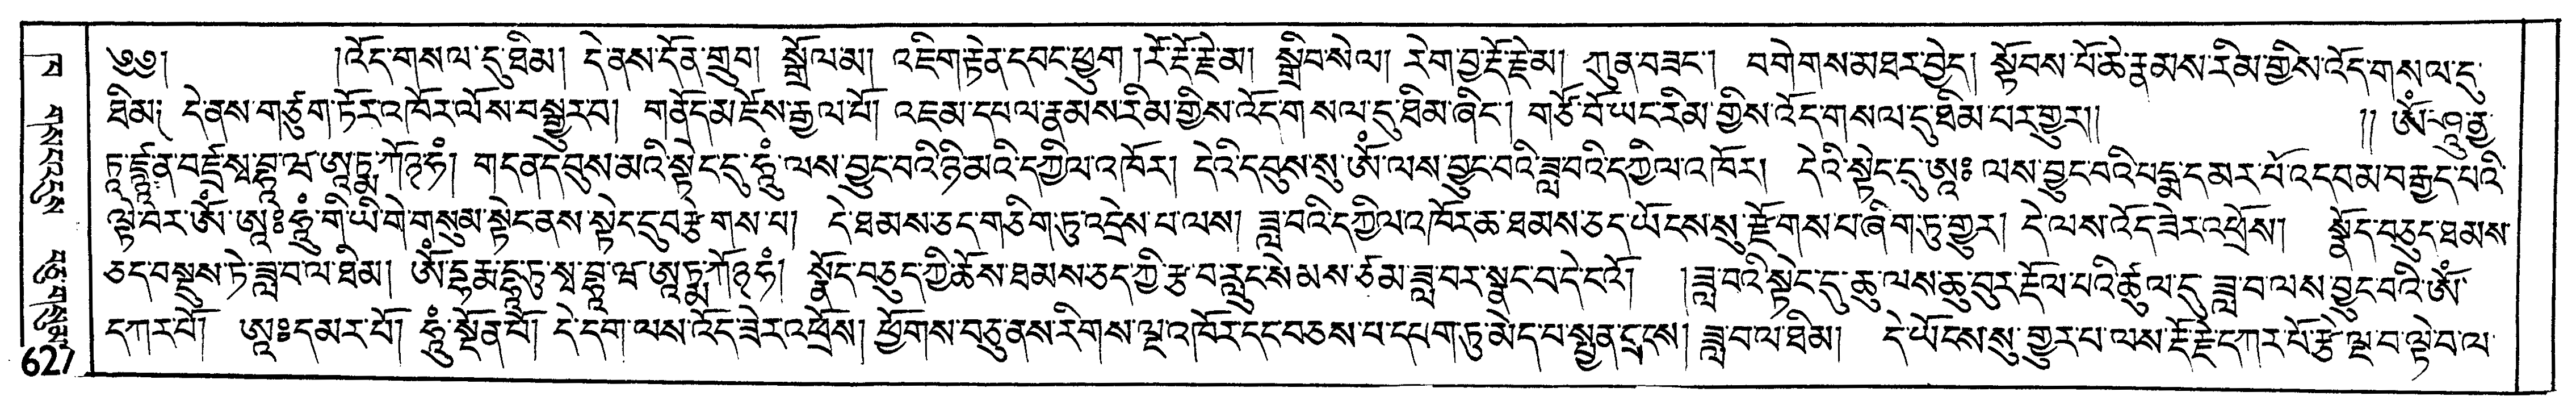༄༅། །འོད་གསལ་དུ་ཐིམ། དེ་ནས་དོན་གྲུབ། སྒྲོལ་མ། འཇིག་རྟེན་དབང་ཕྱུག །རོ་རྡོ་རྗེ་མ། སྒྲིབ་སེལ། རེག་བྱ་རྡོ་རྗེ་མ། ཀུན་བཟང་། བགེགས་མཐར་བྱེད། སྟོབས་པོ་ཆེ་རྣམས་རིམ་གྱིས་འོད་གསལ་དུ་
ཐིམ༑ དེ་ནས་གཙུག་ཏོར་འཁོར་ལོས་བསྒྱུར་བ། གནོད་མཛེས་རྒྱལ་པོ། འཇམ་དཔལ་རྣམས་རིམ་གྱིས་འོད་གསལ་དུ་ཐིམ་ཞིང་། གཙོ་བོ་ཡང་རིམ་གྱིས་འོད་གསལ་དུ་ཐིམ་པར་གྱུར།། །།ཨོཾ་ཤཱུ་ནྱ་
ཏཱ་ཛྙཱ་ན་བཛྲ་སྭ་བྷཱ་ཝ་ཨཱ་ཏྨ་ཀོཉ་ཧཾ། གདན་དབུས་མའི་སྟེང་དུ་ཧཱུཾ་ལས་བྱུང་བའི་ཉི་མའི་དཀྱིལ་འཁོར། དེའི་དབུས་སུ་ཨོཾ་ལས་བྱུང་བའི་ཟླ་བའི་དཀྱིལ་འཁོར། དེའི་སྟེང་དུ་ཨཱཿ ལས་བྱུང་བའི་པདམ་དམར་པོ་འདབ་མ་བརྒྱད་པའི་
ལྟེ་བར་ཨོཾ་ཨཱཿ ཧཱུཾ་གི་ཡི་གེ་གསུམ་སྟེང་ནས་སྟེང་དུ་བརྩེགས་པ། དེ་ཐམས་ཅད་གཅིག་ཏུ་འདྲེས་པ་ལས། ཟླ་བའི་དཀྱིལ་འཁོར་ཆ་ཐམས་ཅད་ཡོངས་སུ་རྫོགས་པ་ཞིག་ཏུ་གྱུར། དེ་ལས་འོད་ཟེར་འཕྲོས། སྣོད་བཅུད་ཐམས་
ཅད་བསྡུས་ཏེ་ཟླ་བ་ལ་ཐིམ། ཨོཾ་དྷརྨ་དྷཱ་ཏུ་སྭ་བྷཱ་ཝ་ཨཱཏྨ་ཀོཉ་ཧཾ། སྣོད་བཅུད་ཀྱི་ཆོས་ཐམས་ཅད་ཀྱི་རྩ་བ་རླུང་སེམས་ཙམ་ཟླ་བར་སྣང་བ་དེ་ངའོ། །ཟླ་བའི་སྟེང་དུ་ཆུ་ལས་ཆུ་བུར་རྡོར་བའི་ཚུལ་དུ་ཟླ་བ་ལས་བྱུང་བའི་ཨོཾ་
དཀར་པོ། ཨཱཿ དམར་པོ། ཧཱུཾ་སྔོན་པོ། དེ་དག་ལས་འོད་ཟེར་འཕྲོས། ཕྱོགས་བཅུ་ནས་རིགས་ལྔ་འཁོར་དང་བཅས་པ་དཔག་ཏུ་མེད་པ་སྤྱན་དྲངས། ཟླ་བ་ལ་ཐིམ། དེ་ཡོངས་སུ་གྱུར་པ་ལས་རྡོ་རྗེ་དཀར་པོ་རྩེ་ལྔ་བ་ལྟེ་བ་ལ་